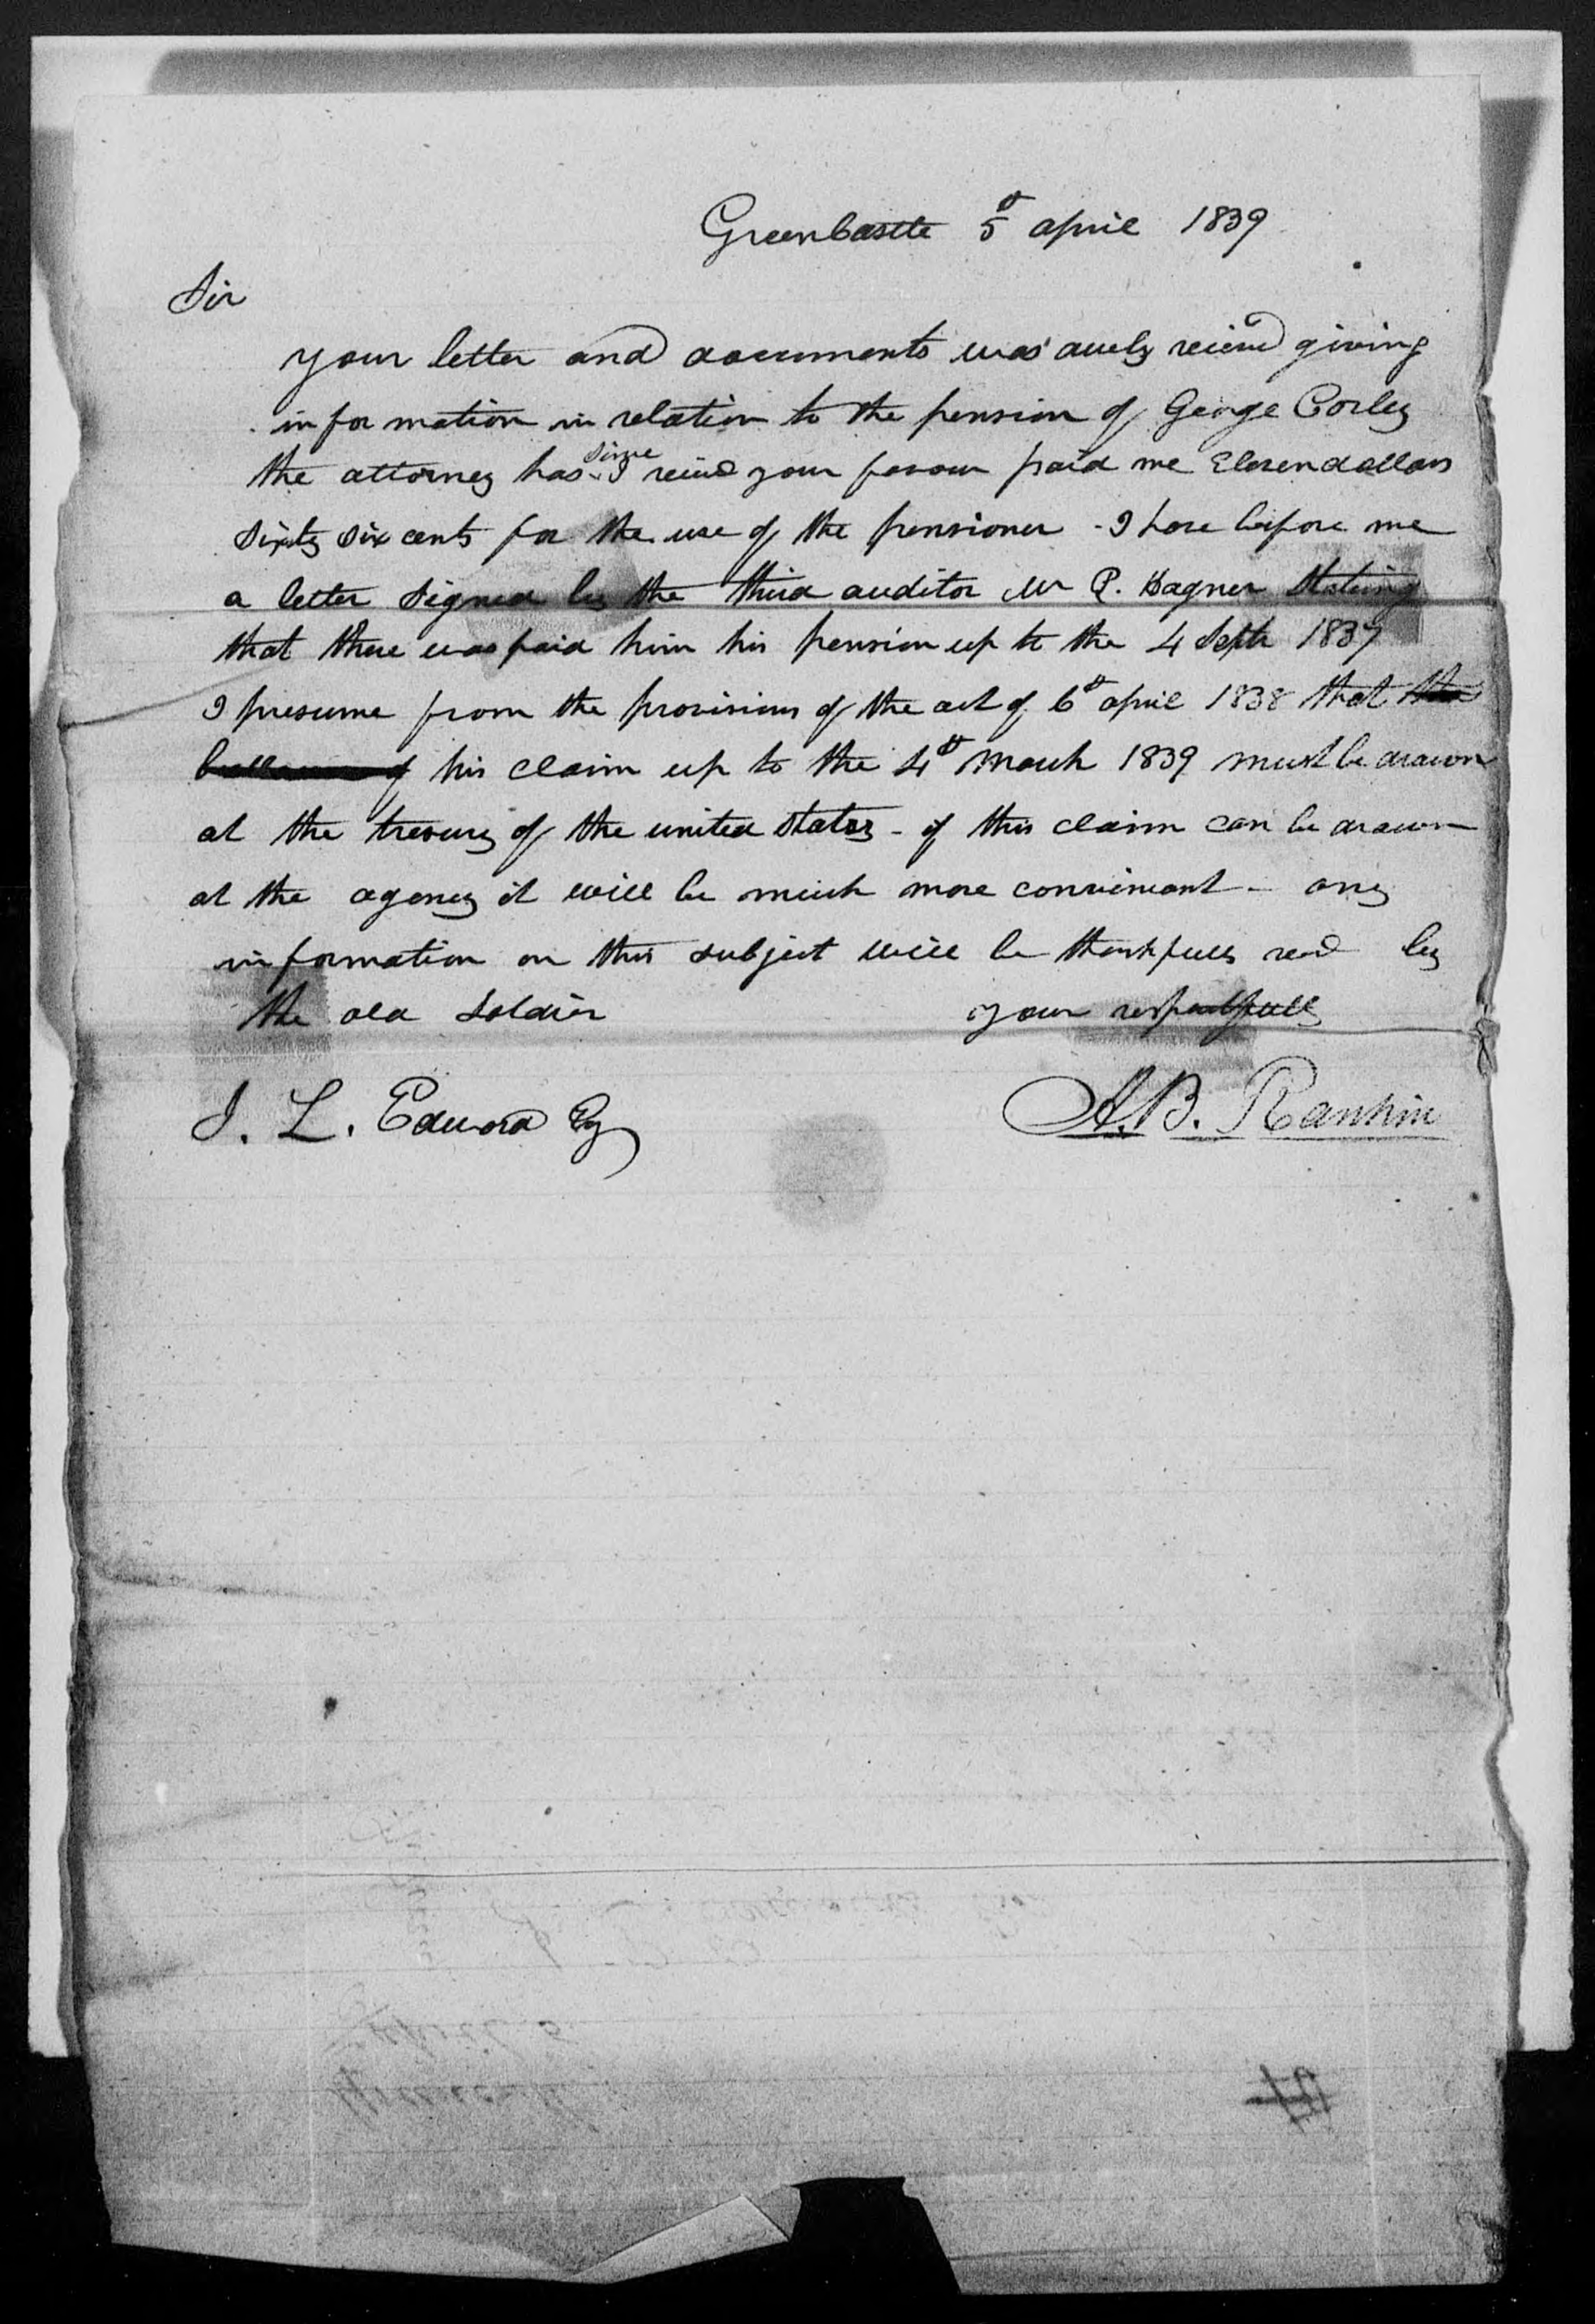Greencastle 5th April 1839
Sir
Your letter and document was auely received giving
information in relation to the pension of George Corley
the attorney has ^since^ I reind your for now paid me Eleven dollars
sixty six cents for the use of the pensioner - I have before me
a letter signed by the third auditor Mr P. Hagner Stating
that there was paid him his pension up to the 4 Sept 1837
I presume from the provision of the act of 6th april 1838 that [crossed out: illegible]
[crossed out: illegible] his claim up to the 4th March 1839 must be drawn
at the treasury of the united states - of this claim can be drawn
at the agency it will be much more convenient any
information on this subject will be thankfully recd by 
the old Soldier       your respectfully
J.L. Edward Esq.    A.B. Rankin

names: A B Rankin, George Corley, P Hagner, J L Edward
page: 22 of 22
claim: survivor's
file: S. 9,199, George Corley, Md.